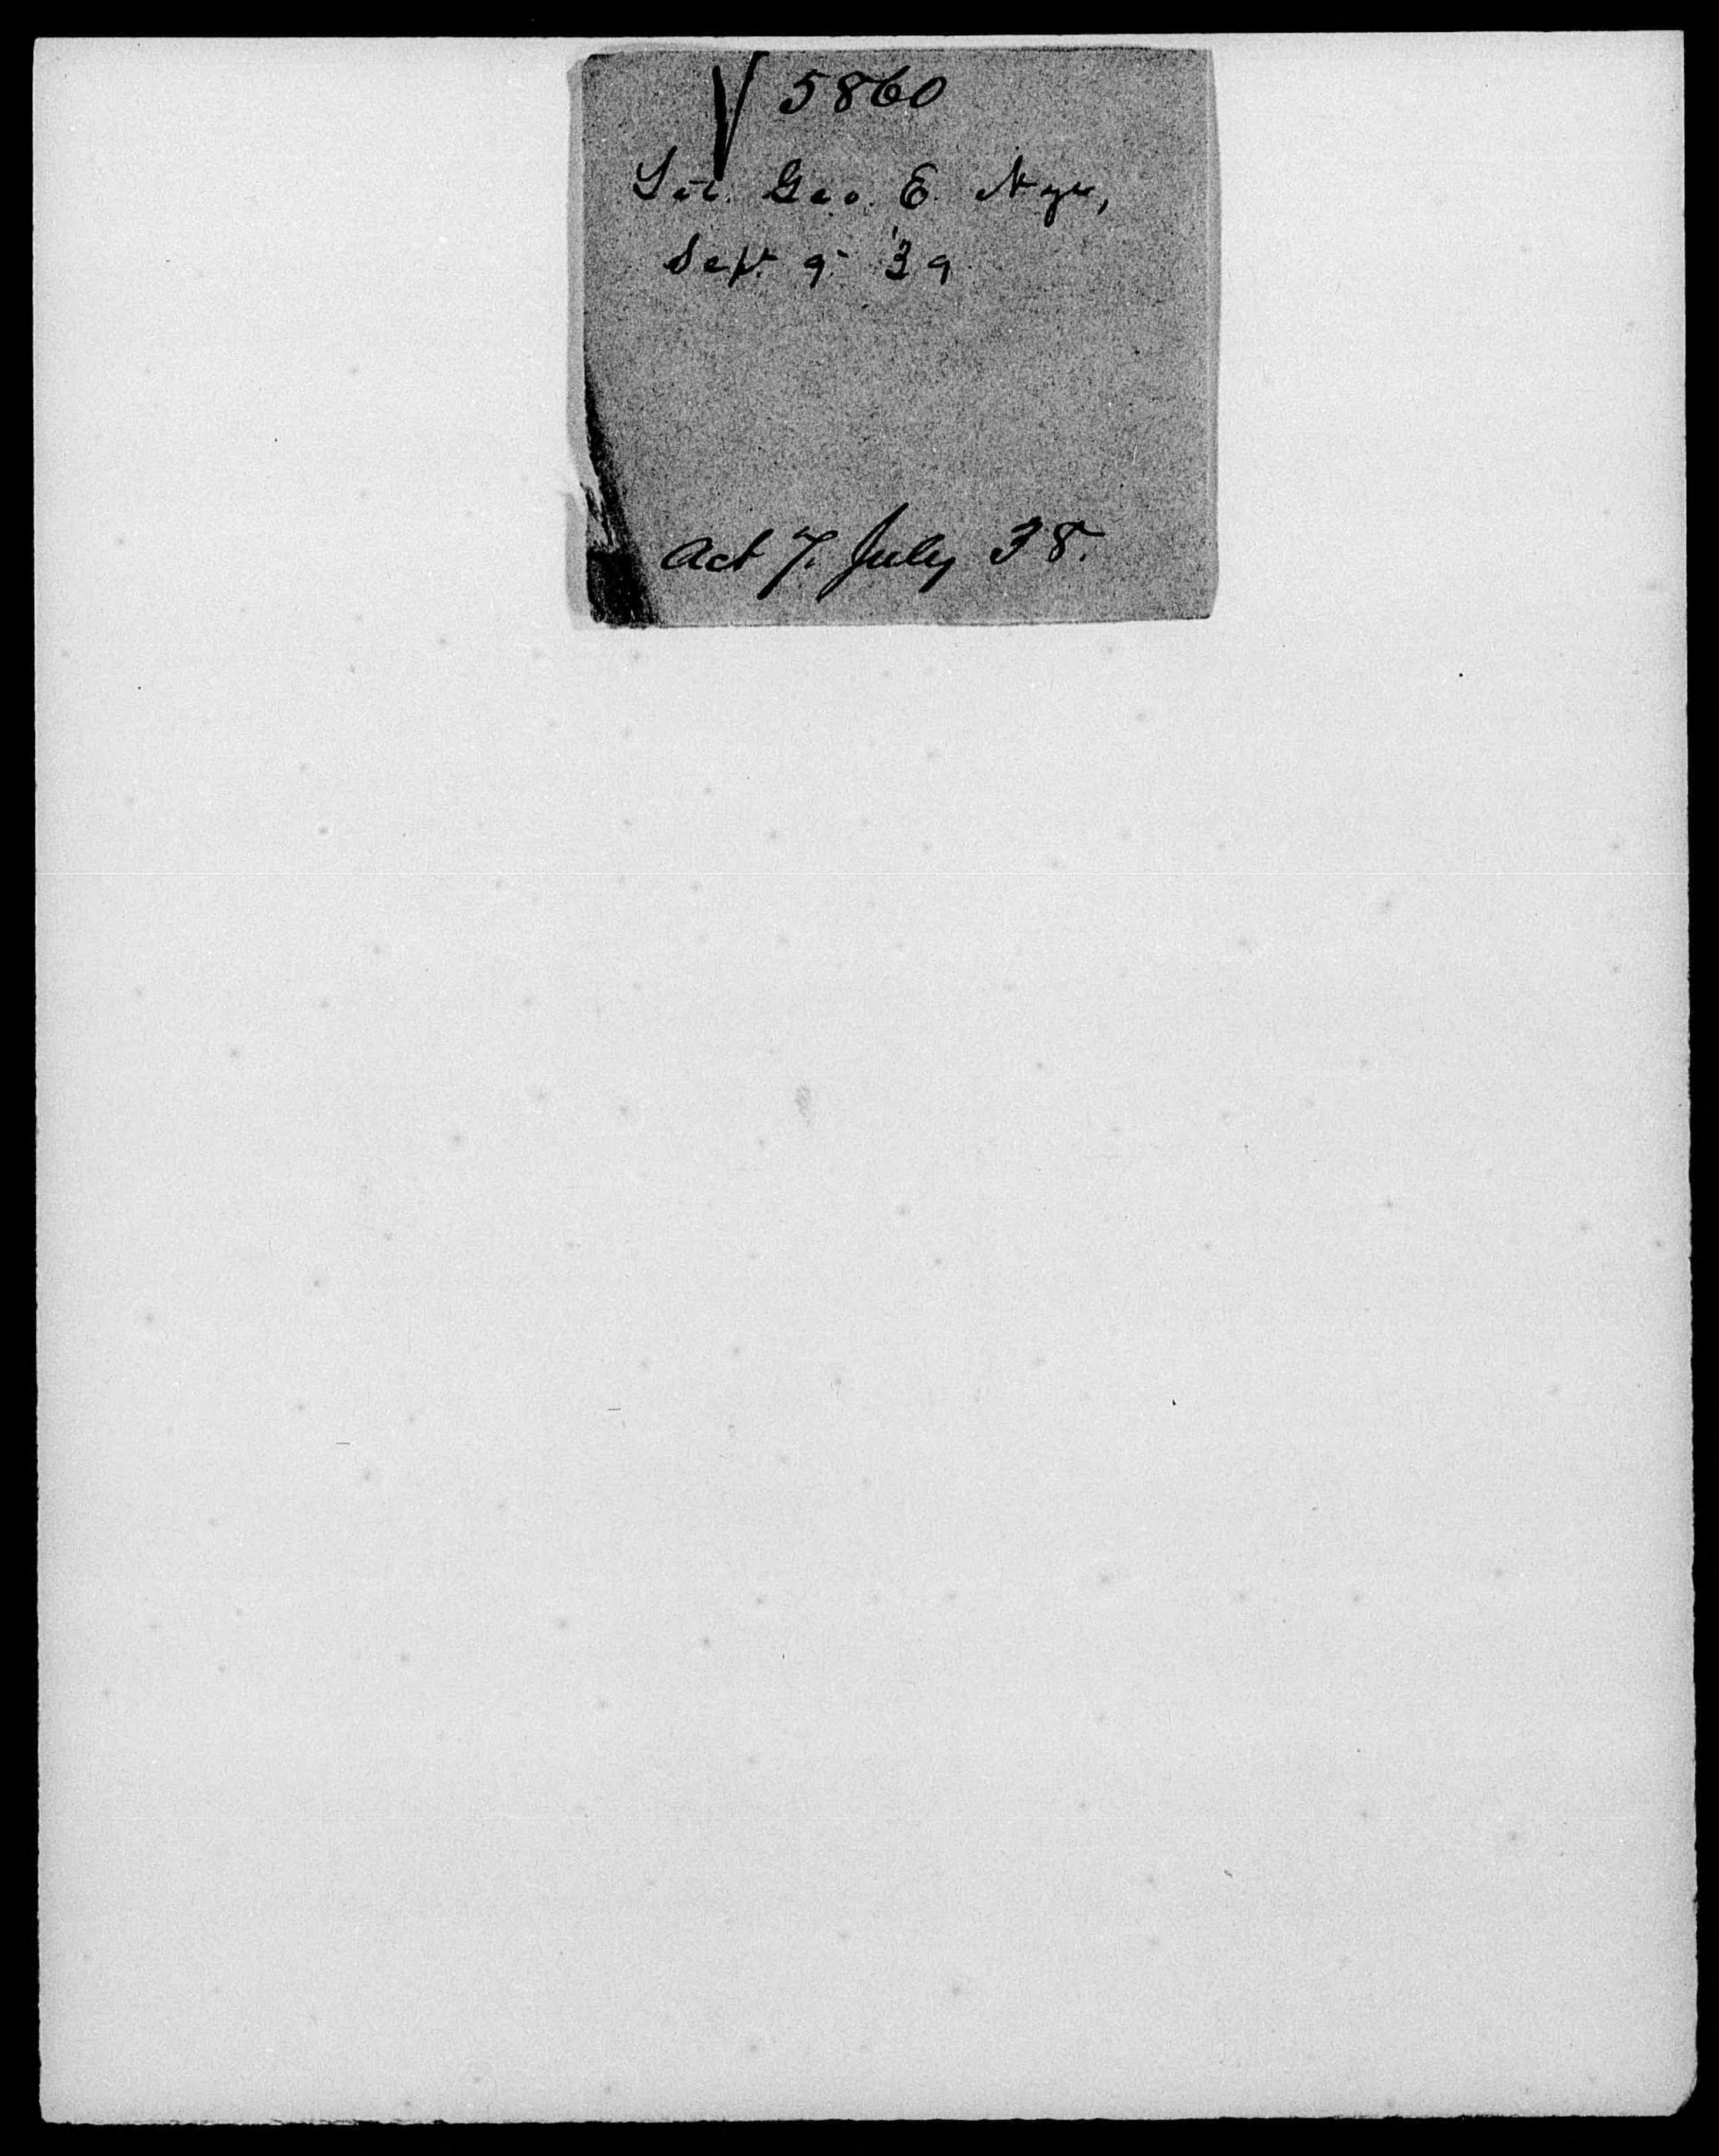V 5860
 Let. Geo E. Nye,
 Sept 9 '39 
Act 7. July 38.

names: Geo E Nye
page: 23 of 42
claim: widow's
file: W. 19,722, Ira Hand, N.H. Vt.